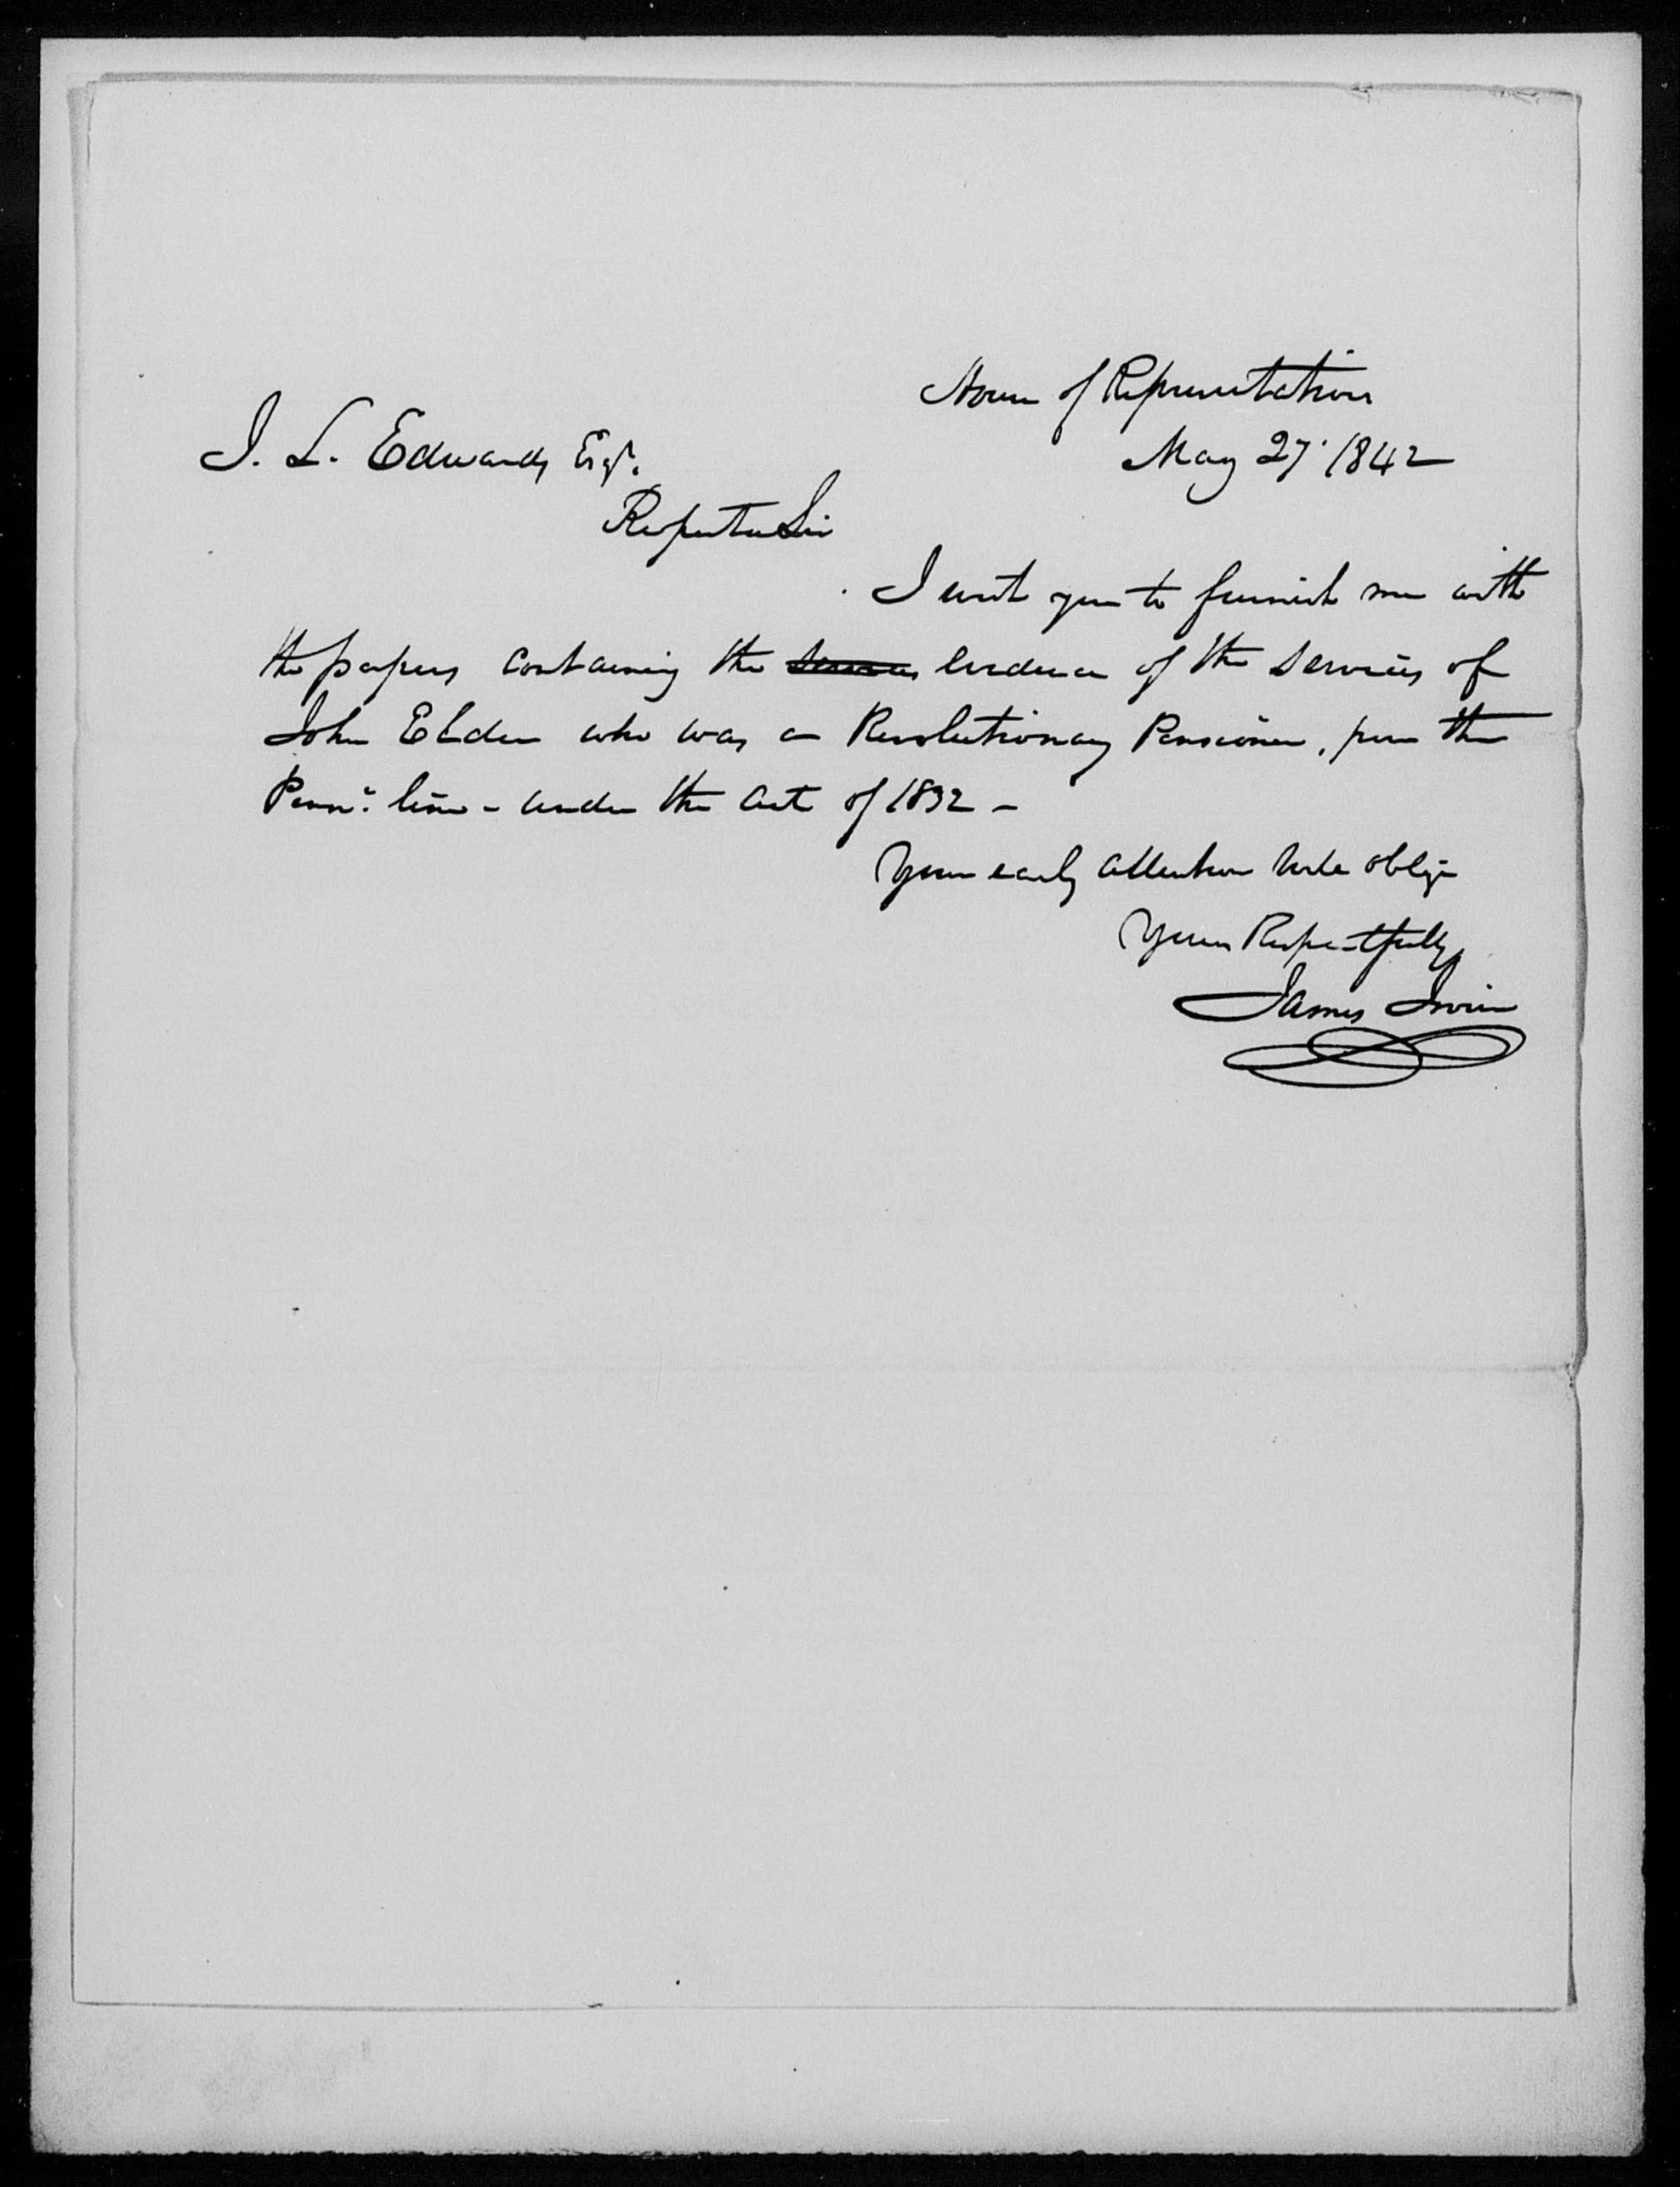J. L. Edward Esq.  May 27 1842

I want to finish ?  the paperwork containing the ? of the service of John Elden  who was a Revolutionary Prinsioner.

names: James Irvin, John Elder, J L Edwards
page: 47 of 80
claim: widow's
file: W. 24117, John Elder, Penn.